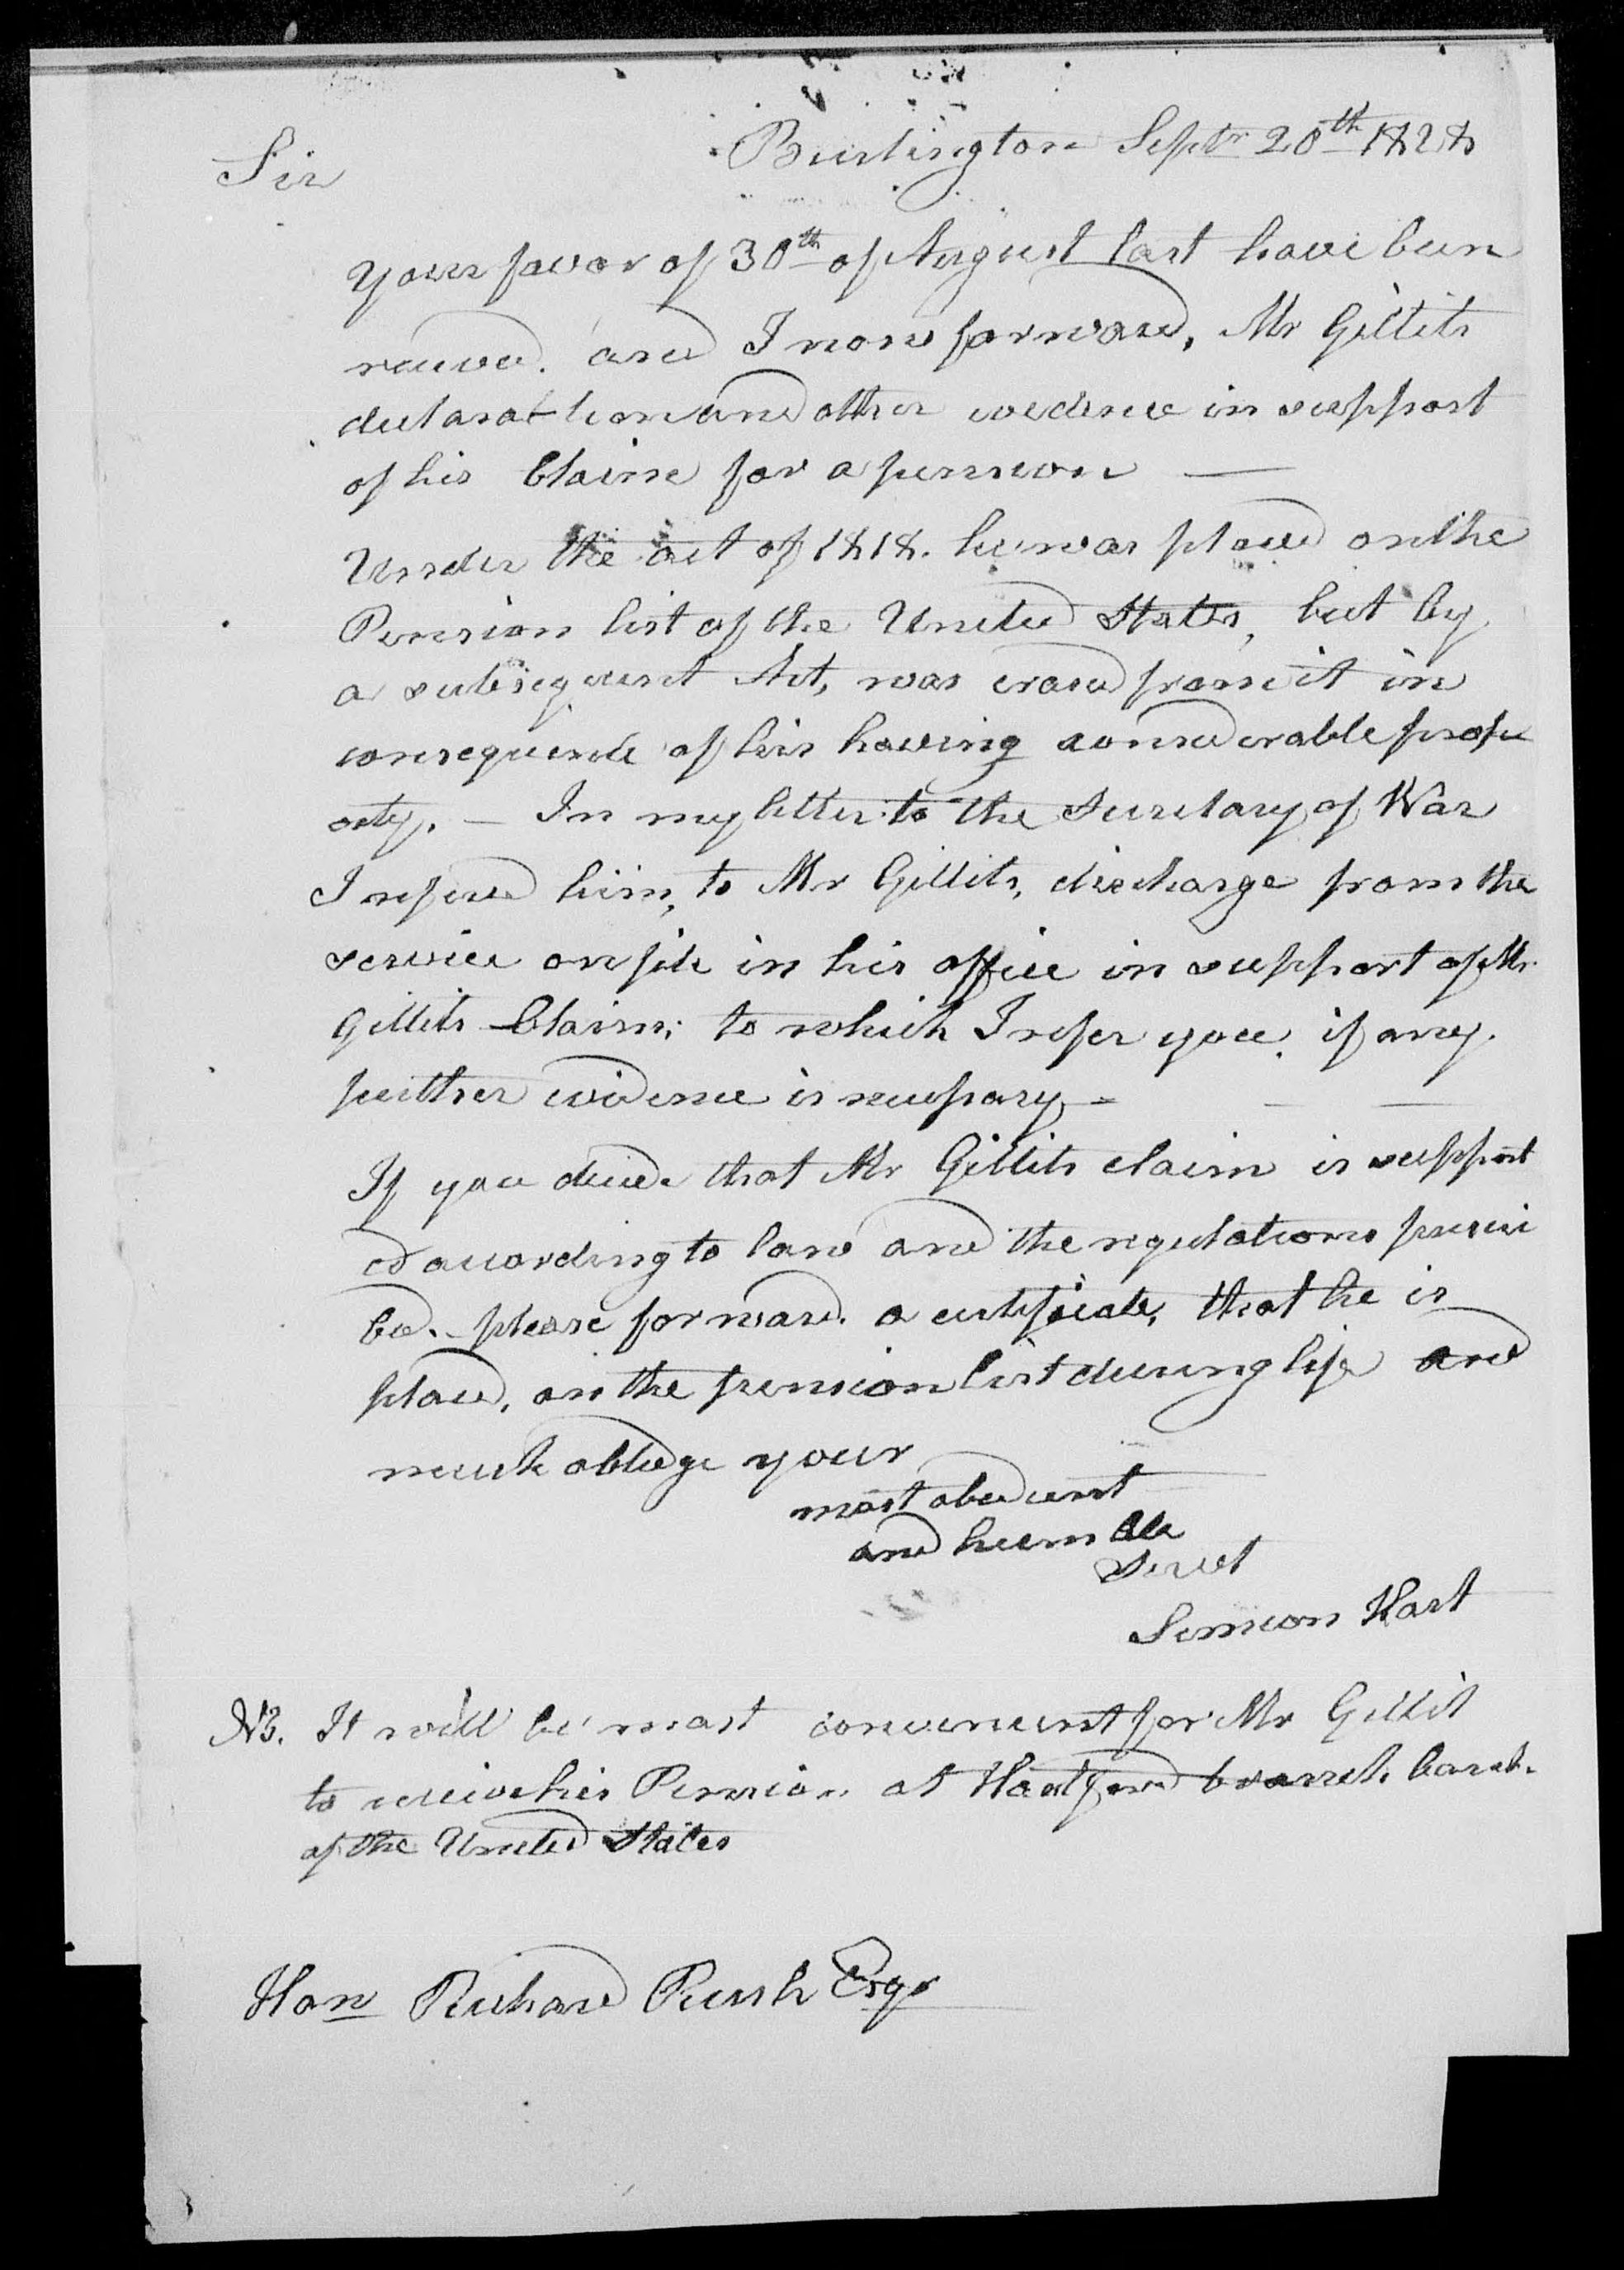Burlington Septr. 29th 1828

Sir

Your favor of 30th of August last have been served and I now forward Mr. Gillits [sic]declaration - and other evidence in support of his CLaim for a pension -

Under the act of 1818 he was placed on the Pension list of the United States but by a subsequent Act, was erased from it  in consequence of his having considerable ferocity [?].  - In my letter to the Secretary of Was I refered him to Mr. Gillits discharge from the service on file in his office in support of the Mr. Gillits Claim, to which I refer you if any further evidence is necessary -

If you decide that Mr. Gillits claim is supported according to law and the regulations prescribed    please forward a certificate that he is placed on the pension list during life and much obliged

                                    your
                                       most obedient
                                        and humble
                                                Sevt
                                 [Signed] Simeon Hart

NB.  It will be most convenient for Mr. Gillit to receive his Pension at Hartford [next two words illegible] of the United States

   [Signed] Richard Rush Esqr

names: Simeon Hart, Gillit, Gillit, Gillit, Gillit, Gillit, Richard Rush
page: 21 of 40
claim: survivor's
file: S. 36,537 And R. 4034, John Gillet, Conn.